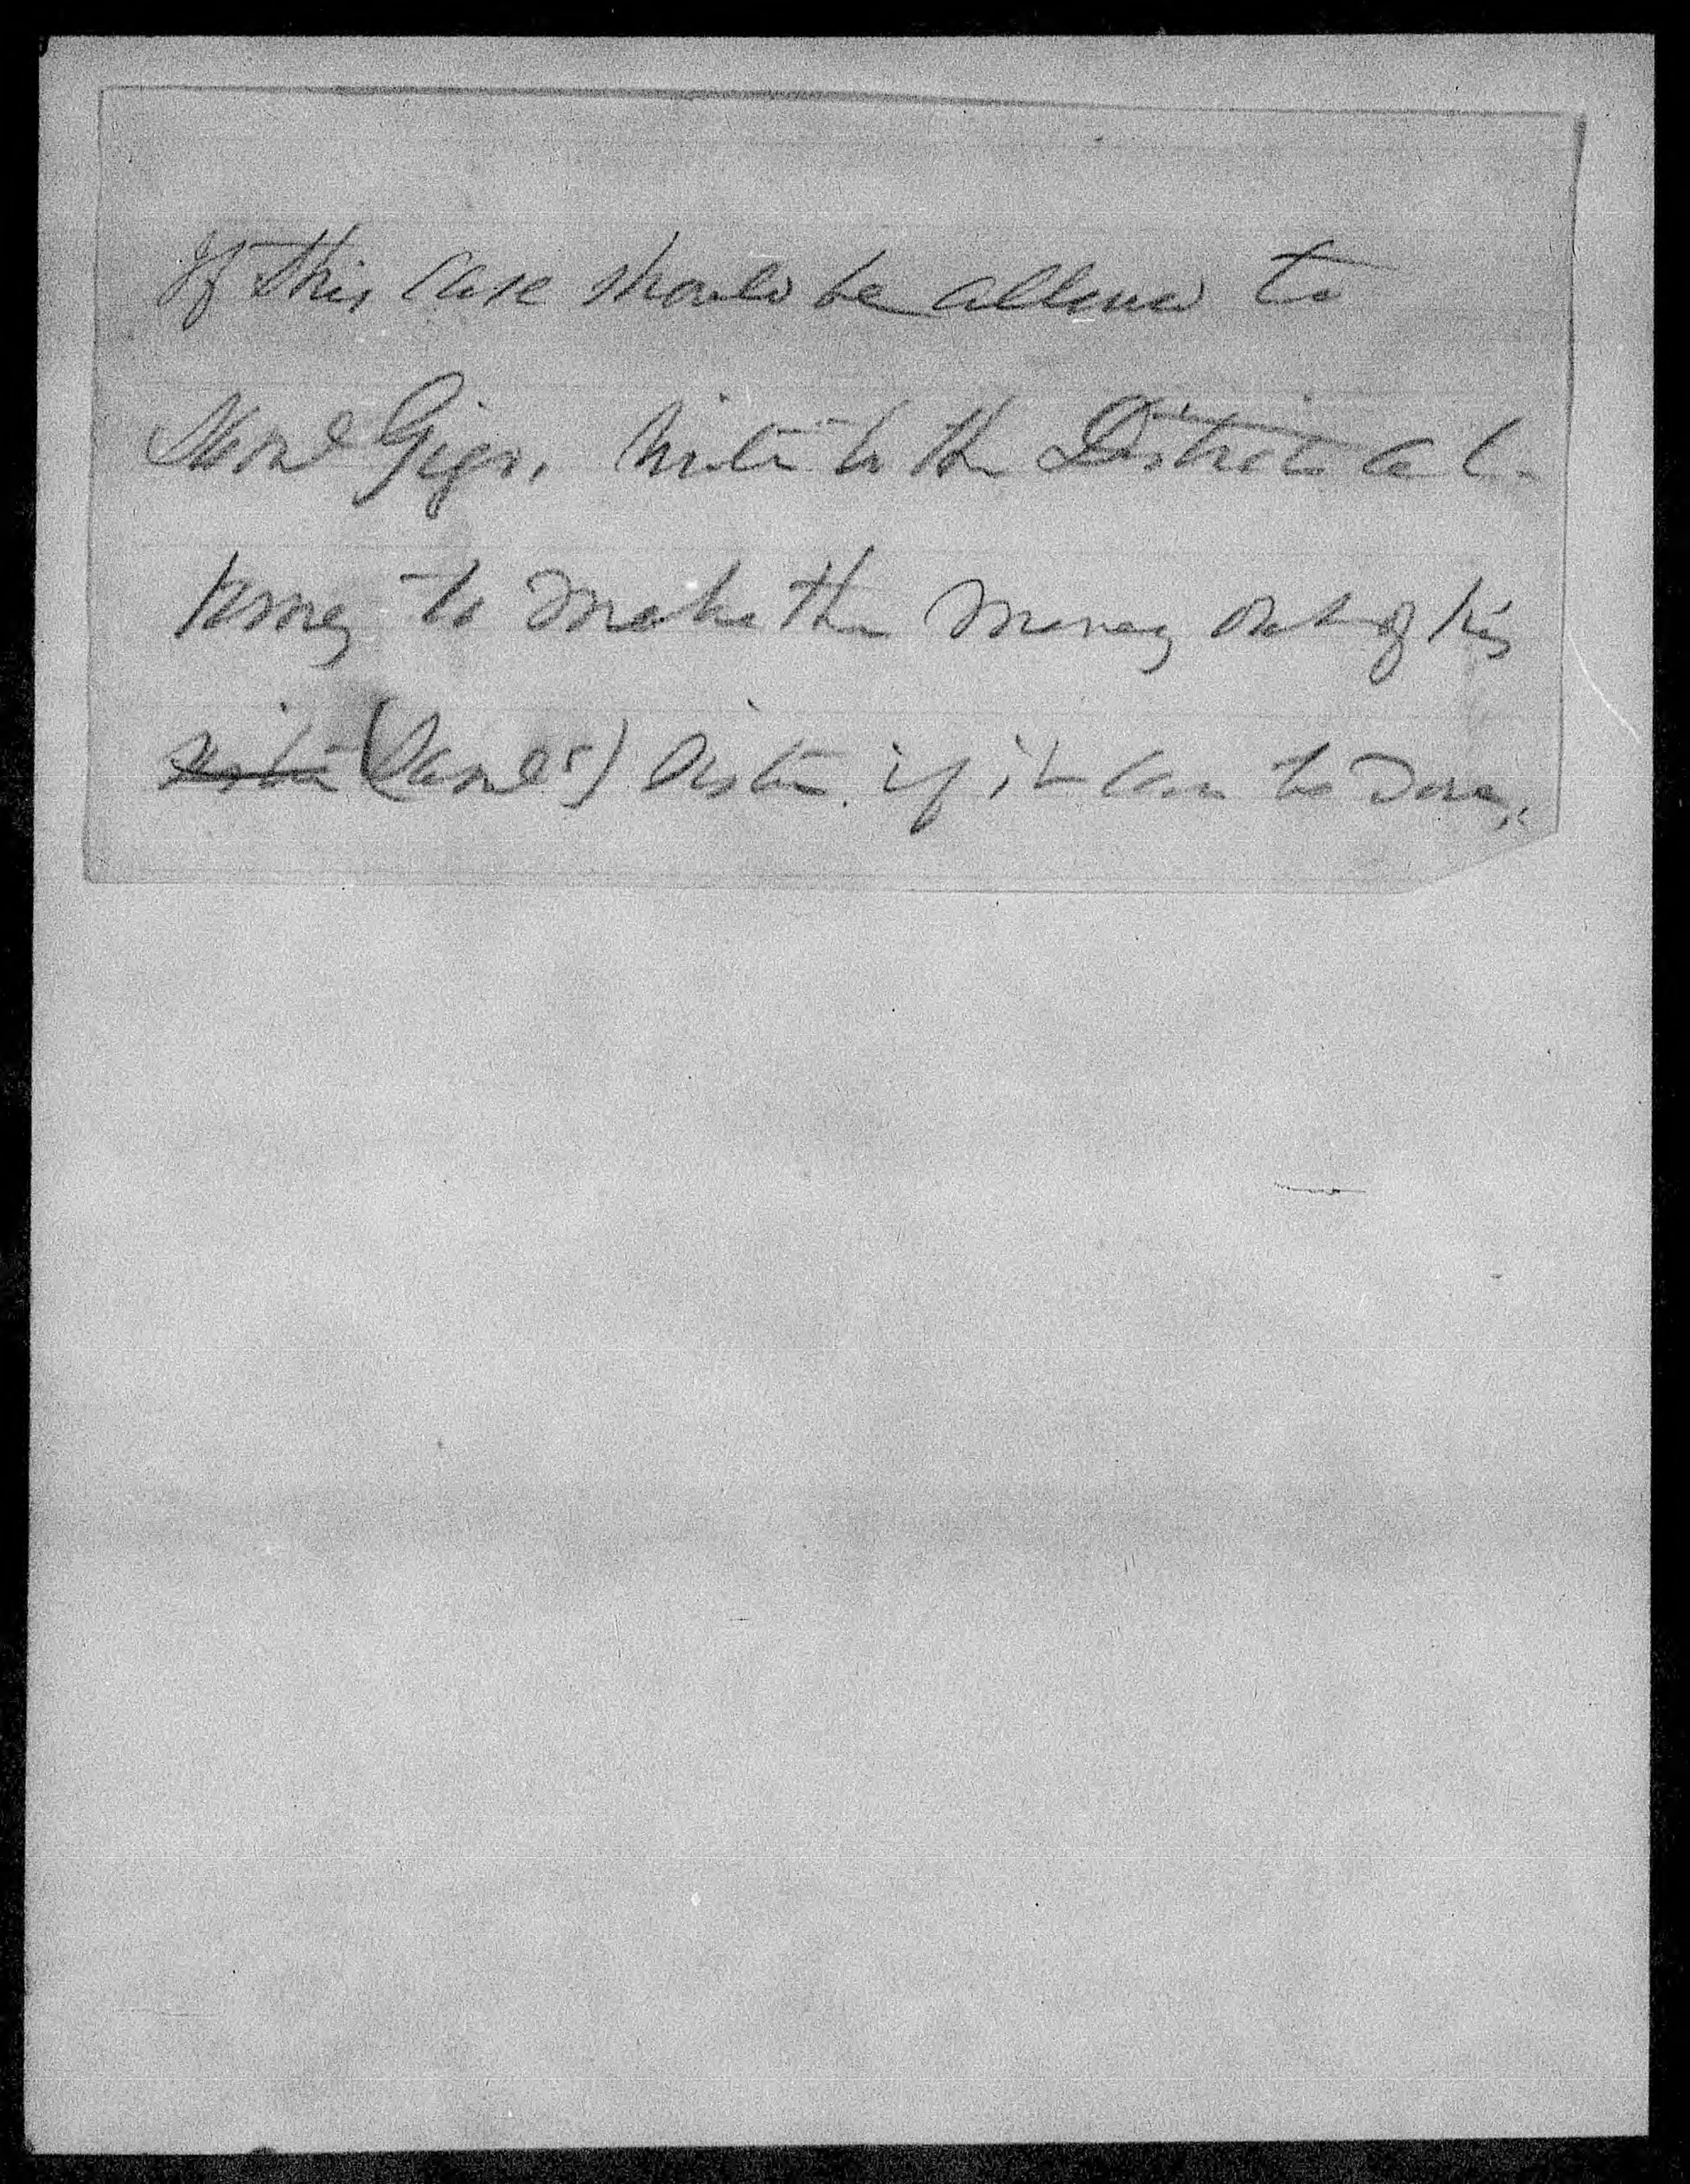If this case should be allowed to Mrs. Gigo, write to the District to be [illegible] to make the money out of his [illegible] sister if it can be done.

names: Saml, Saml Gigo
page: 19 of 98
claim: widow's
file: W. 21182, Francis Gigo, Continental (Canadian)